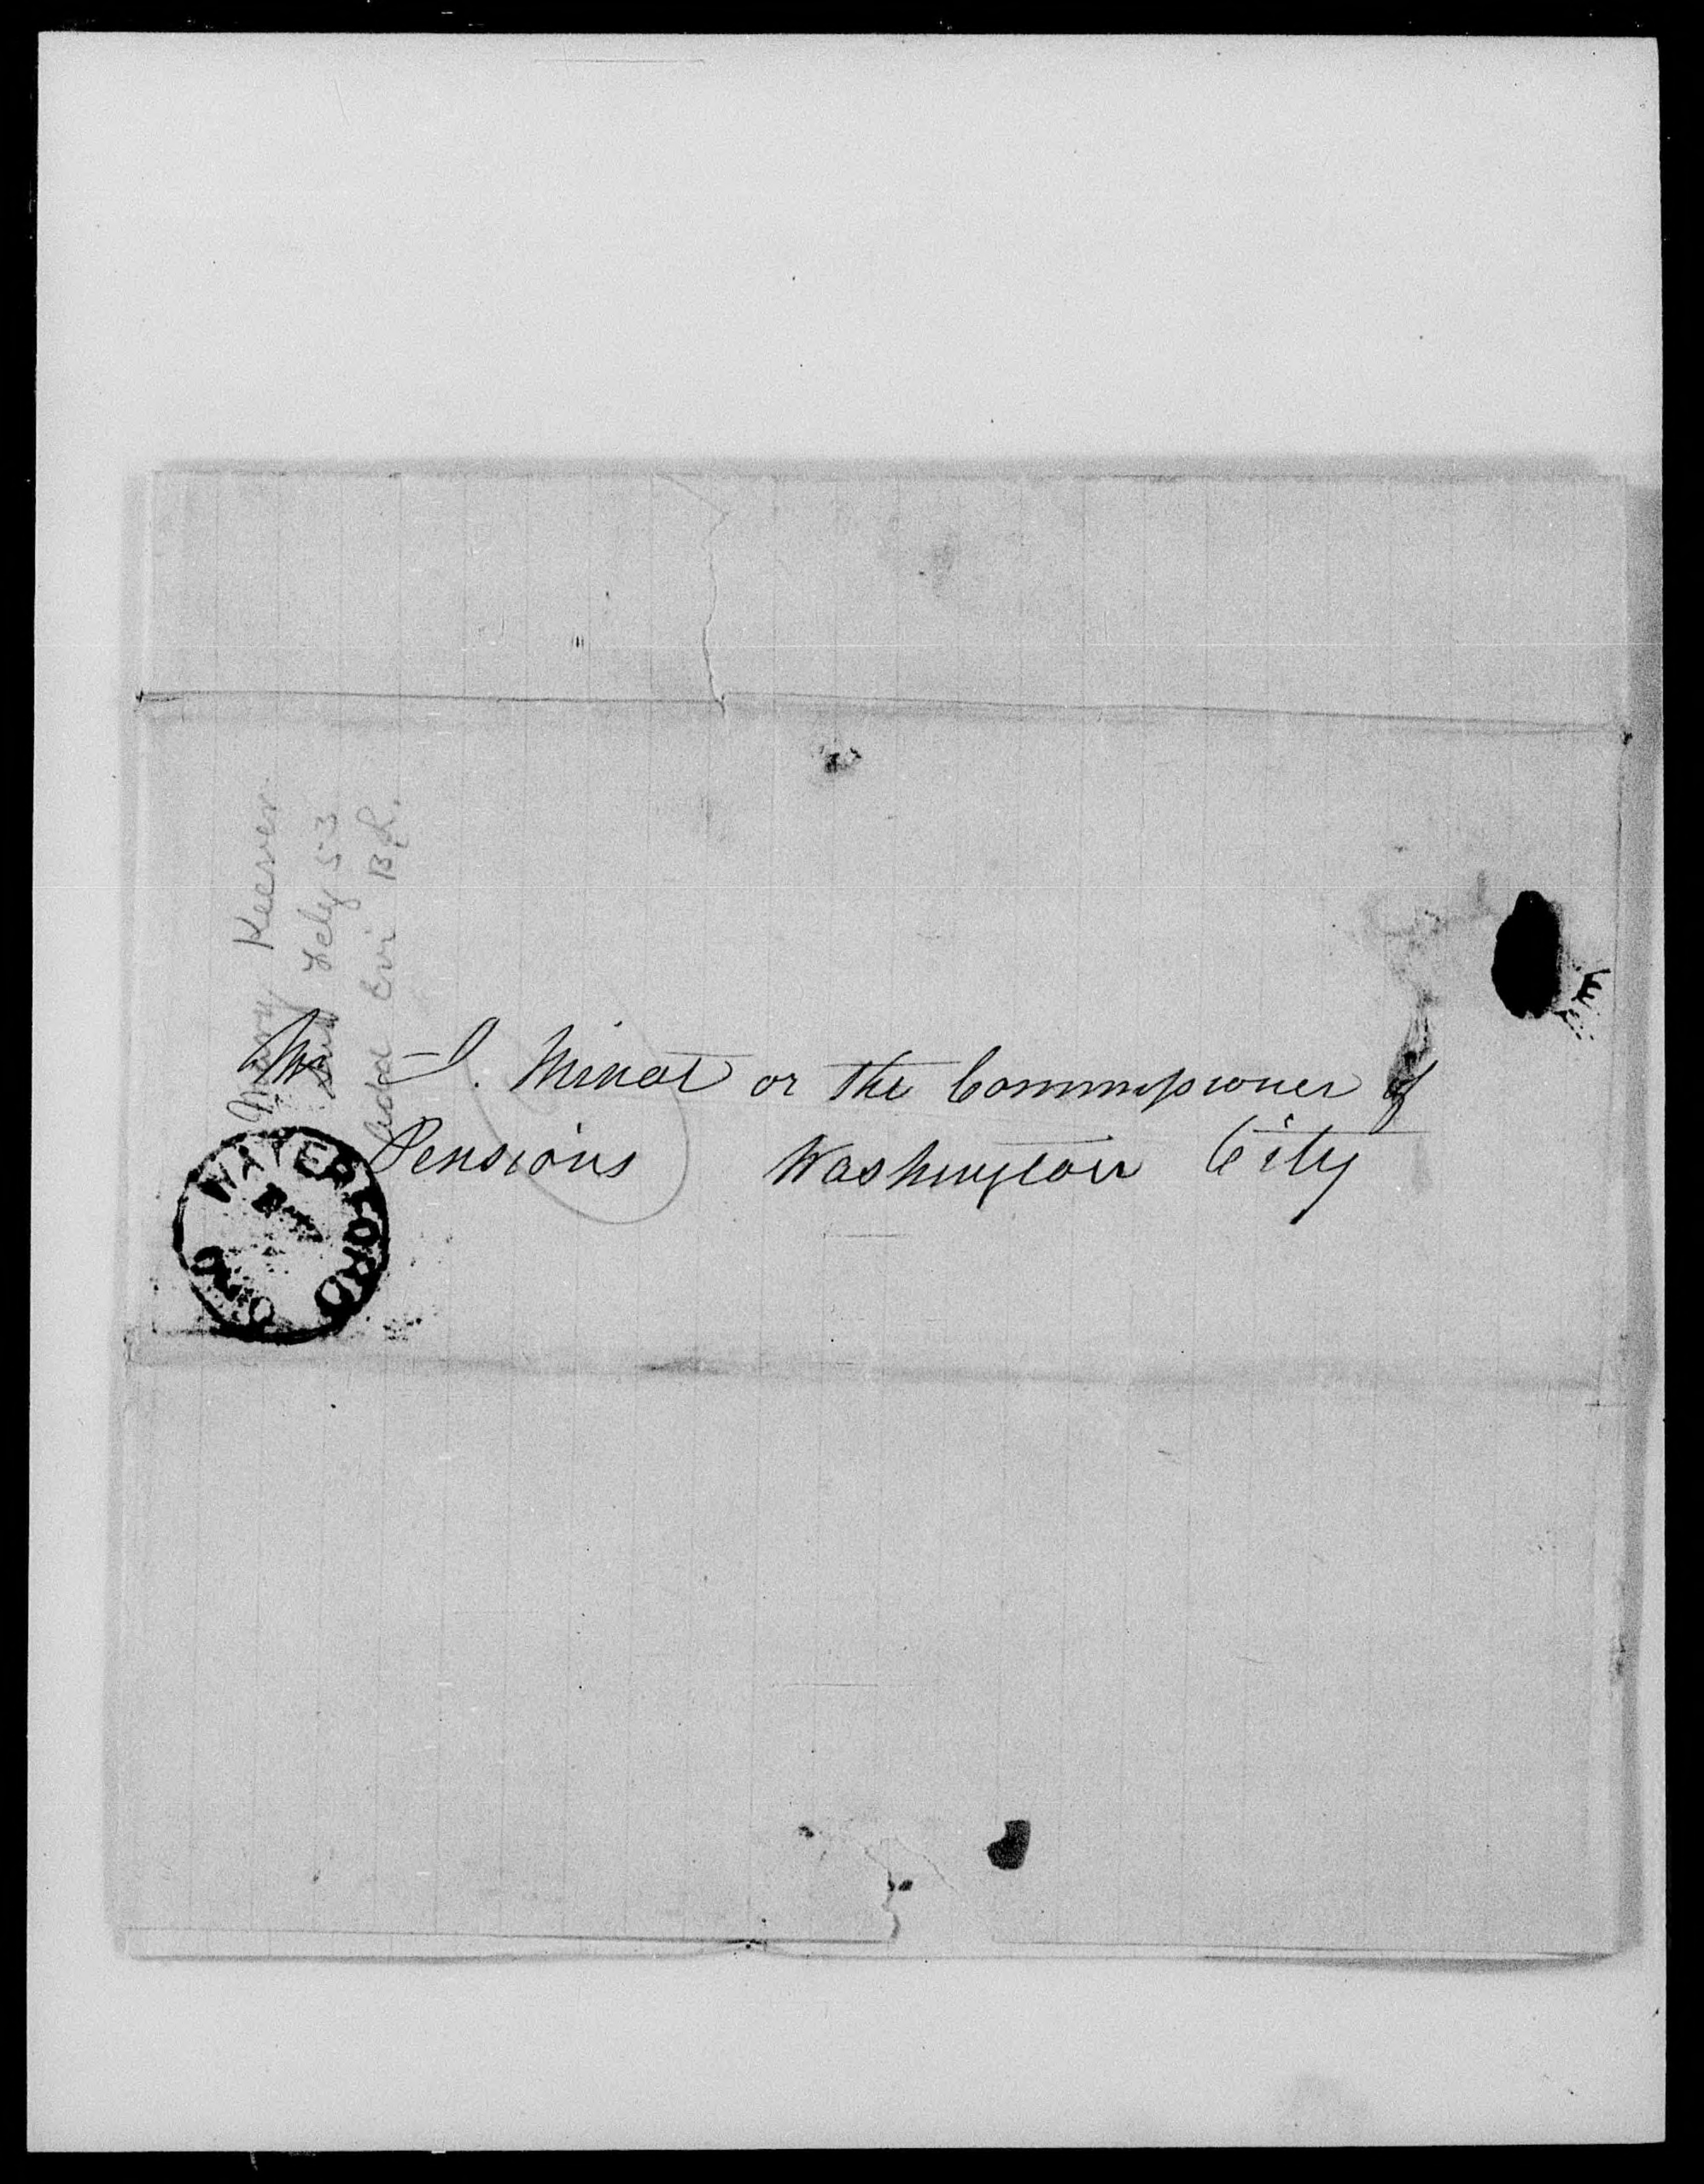Mr. J Minot or the Commissioner of Pensions
Washington City

Waterford Ohio STAMP

Mary Keever
sent Feby 53
add'l evidence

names: J Minot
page: 26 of 33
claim: rejected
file: R. 5814, for John Keever, Maryland